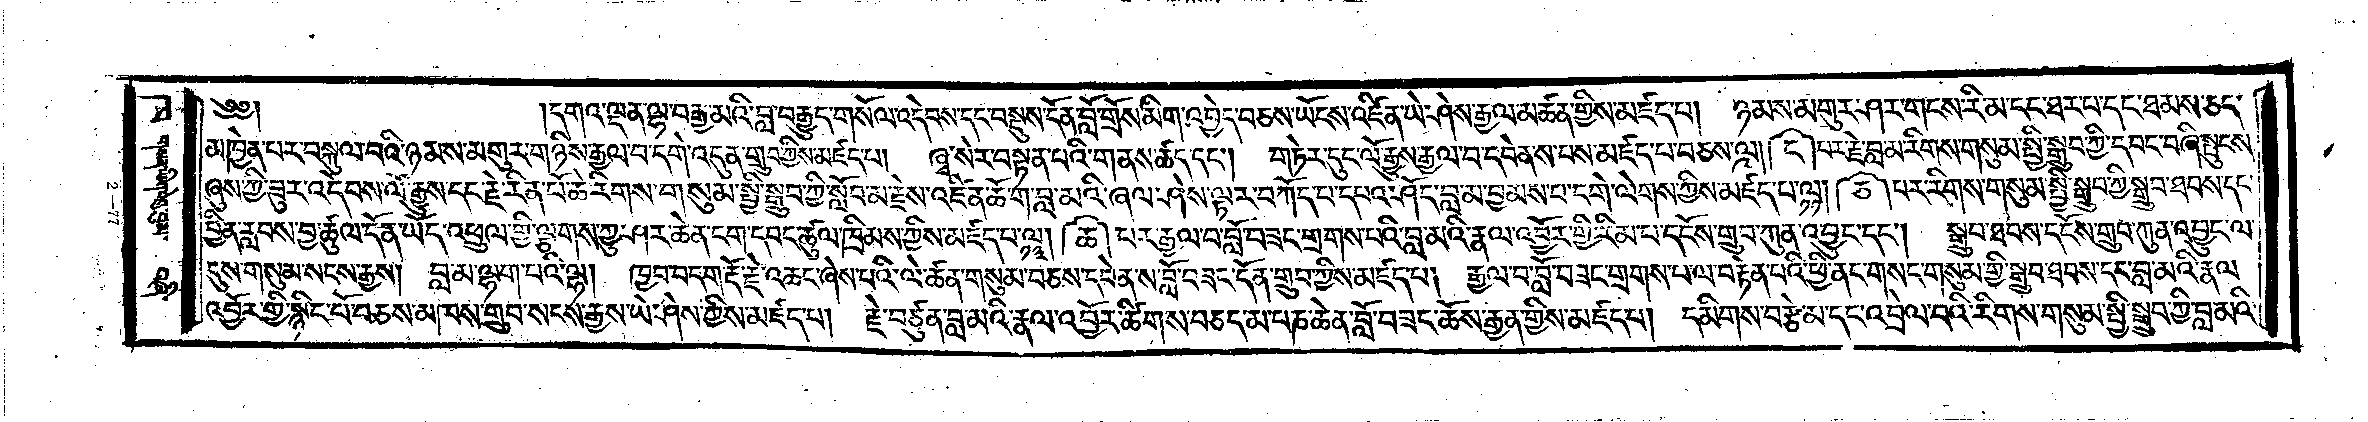༄༅། །དགའ་ལྡན་ལྷ་བརྒྱ་མའི་བླ་བརྒྱུད་གསོལ་འདེབས་དང་བསྡུས་དོན་བློ་གྲོས་མིག་འབྱེད་བཅས་ཡོངས་འཛིན་ཡེ་ཤེས་རྒྱལ་མཚན་གྱིས་མཛད་པ། ཉམས་མགུར་ཤར་གངས་རི་མ་དང་ཐར་པ་དང་ཐམས་ཅད་
མཁྱེན་པར་བསྐུལ་བའི་ཉམས་མགུར་གཉིས་རྒྱལ་བ་དགེ་འདུན་གྲུབ་ཀྱིས་མཛད་པ། ཞྭ་སེར་བསྟན་པའི་གནས་ཚད་དང་། གཏེར་དུང་ལོ་རྒྱུས་རྒྱལ་བ་དབེན་ས་པས་མཛད་པ་བཅས་ལ། ༼ང༽ པར་རྗེ་བླ་མ་རིགས་གསུམ་སྤྱི་སྒྲུབ་ཀྱི་དབང་བཞི་སྤུངས་
ཞུས་ཀྱི་ཟུར་འདེབས་ལོ་རྒྱུས་དང་རྗེ་རིན་པོ་ཆེ་རིགས་གསུམ་སྤྱི་སྒྲུབ་ཀྱི་སློབ་མ་རྗེས་འཛིན་ཆོ་ག་བླ་མའི་ཞལ་ཤེས་ལྟར་བཀོད་པ་དཔའ་ཤོད་བླ་མ་བྱམས་པ་དགེ་ལེགས་ཀྱིས་མཛད་པ་ལ། ༼ཅ༽ པར་རིགས་གསུམ་སྤྱི་སྒྲུབ་ཀྱི་སྒྲུབ་ཐབས་དང་
བྱིན་རླབས་བྱ་ཚུལ་དོན་ཡོད་འཕྲུལ་གྱི་ལྕགས་ཀྱུ་ཤར་ཆེན་ངག་དབང་ཚུལ་ཁྲིམས་ཀྱིས་མཛད་པ་ལ། ༼ཆ༽ པར་རྒྱལ་བ་བློ་བཟང་གྲགས་པའི་བླ་མའི་རྣལ་འབྱོར་གྱི་རིམ་པ་དངོས་གྲུབ་ཀུན་འབྱུང་དང་། སྒྲུབ་ཐབས་དངོས་གྲུབ་ཀུན་འབྱུང་ལ་
དུས་གསུམ་སངས་རྒྱས། བླ་མ་ལྷག་པའི་ལྷ། ཁྱབ་བདག་རྡོ་རྗེ་འཆང་ཞེས་པའི་ལེ་ཚན་གསུམ་བཅས་དབེན་ས་བློ་བཟང་དོན་གྲུབ་ཀྱིས་མཛད་པ། རྒྱལ་བ་བློ་བཟང་གྲགས་པ་ལ་བརྟེན་པའི་ཕྱི་ནང་གསང་གསུམ་གྱི་སྒྲུབ་ཐབས་དང་བླ་མའི་རྣལ་
འབྱོར་གྱི་སྙིང་པོ་བཅས་མཁས་གྲུབ་སངས་རྒྱས་ཡེ་ཤེས་ཀྱིས་མཛད་པ། རྗེ་བཙུན་བླ་མའི་རྣལ་འབྱོར་ཚིགས་བཅད་མ་པཎ་ཆེན་བློ་བཟང་ཆོས་རྒྱན་གྱིས་མཛད་པ། དམིགས་བརྩེ་མ་དང་འབྲེལ་བའི་རིགས་གསུམ་སྤྱི་སྒྲུབ་ཀྱི་བླ་མའི་